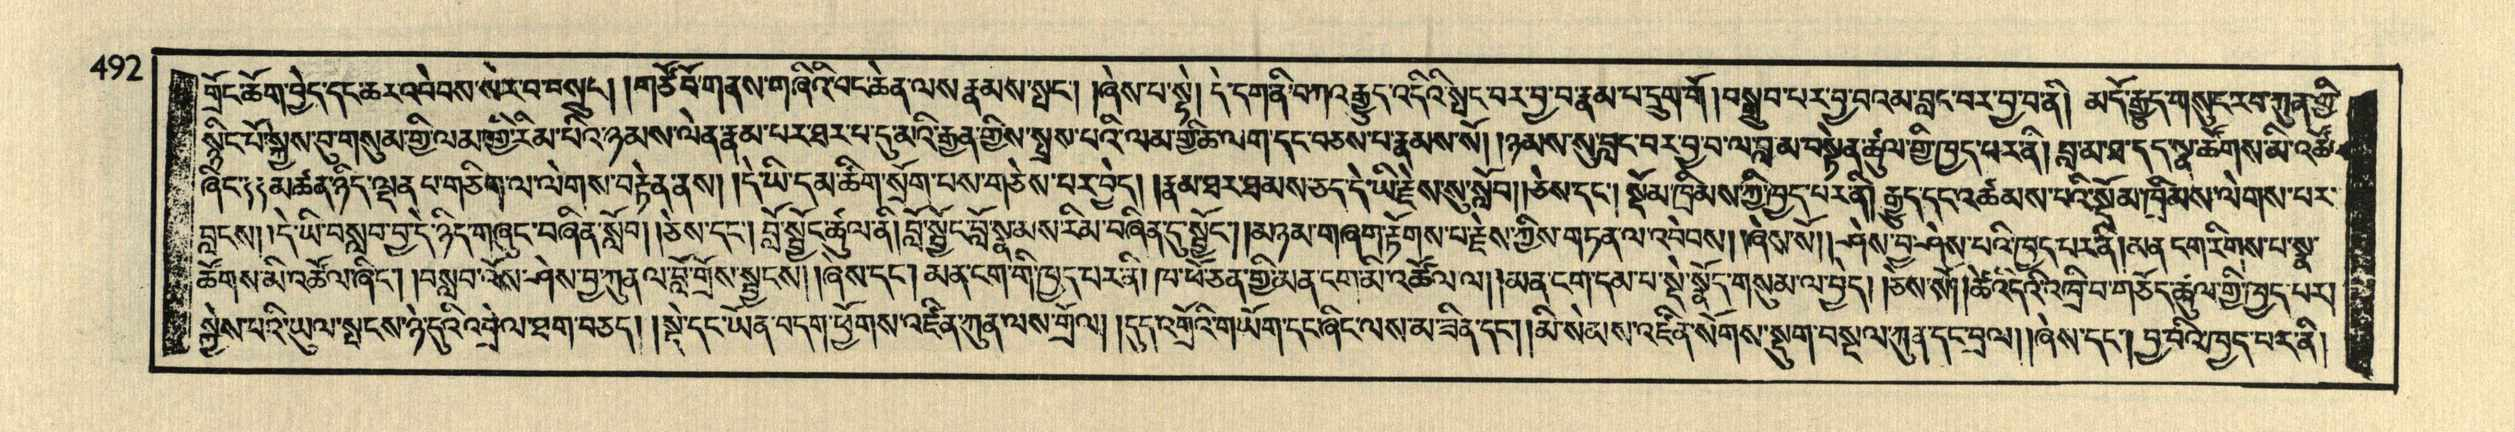གྲོང་ཆོག་བྱེད་དང་ཆར་འབེབས་སེར་བ་བསྲུང་། །གཙོ་བོ་གནས་གཞིའི་བང་ཆེན་ལས་རྣམས་སྤང་། །ཞེས་པ་སྟེ། དེ་དག་ནི་བཀའ་རྒྱུད་འདིའི་སྤང་བྱ་བ་བ་རྣམ་པ་དྲུག་གོ །བསྒྲུབ་པར་བྱ་བའམ་བླང་བར་བྱ་བ་ནི། མདོ་རྒྱུད་གསུང་རབ་ཀུན་གྱི་
སྙིང་པོ་སྐྱེས་བུ་གསུམ་གྱི་ལམ་གྱི་རིམ་པའི་ཉམས་ལེན་རྣམ་པར་ཐར་པ་དུ་མའི་རྒྱན་གྱིས་སྦྲས་པའི་ལམ་གྱི་ཆ་ལག་དང་བཅས་པ་རྣམས་སོ། །ཉམས་སུ་བླང་བར་བྱ་བ་ལ་བླ་མ་བསྟེན་ཚུལ་གྱི་ཁྱད་པར་ནི། བླ་མ་ཐ་དད་སྣ་ཚོགས་མི་འཚོ་
ཞིང༑ ༑མཚན་ཉིད་ལྡན་པ་གཅིག་ལ་ལེགས་བརྟེན་ནས། །དེ་ཡི་དམ་ཚིག་སྲོག་པས་གཅེས་པར་བྱེད། །རྣམ་ཐར་ཐམས་ཅད་དེ་ཡི་རྗེས་སུ་སློབ། །ཅེས་དང་། སྡོམ་ཁྲིམས་ཀྱི་ཁྱད་པར་ནི། རྒྱུད་དང་མཚམས་པའི་སྡོམ་ཁྲིམས་ལེགས་པར་
བླངས། །དེ་ཡི་བསླབ་བྱ་དེ་ཉིད་གཞུང་བཞིན་སློབ། །ཅེས་དང་། བློ་སྦྱོང་ཚུལ་ནི། བློ་སྦྱོང་བློ་རྣམས་རིམ་བཞིན་དུ་སྦྱོང་། །མཉམ་གཞག་རྟོགས་པ་རྗེས་ཀྱིས་གཏན་ལ་འབེབས། །ཞེས་སོ། །ཤེས་བྱ་ཤེས་པའི་ཁྱད་པར་ནི། མན་ངག་རིགས་པ་སྣ་
ཚོགས་མི་འཚོལ་ཞིང་། །བསླབ་འོས་ཤེས་བྱ་ཀུན་ལ་བློ་གྲོས་སྦྱངས། །ཞེས་དང་། མན་ངག་གི་ཁྱད་པར་ནི། ཁ་ཕོ་ཅན་གྱི་མན་ངག་མི་འཚོལ་ལ། །མན་ངག་དམ་པ་སྡེ་སྣོད་གསུམ་ལ་བྱེད། །ཅེས་སོ། །ཚེ་འདིའི་འཁྲི་བ་གཅོད་ཚུལ་གྱི་ཁྱད་པར།
སྐྱེས་པའི་ཡུལ་སྤངས་ཉེ་དུའི་འབྲེལ་ཐག་བཅད། །སྡེ་དང་ཡོན་བདག་ཕྱོགས་འཛིན་ཀུན་ལས་གྲོལ། །དུད་འགྲོའི་གཡོག་དང་ཞིང་ལས་མ་ཟིན་དང་། །མི་སེམས་འཛིན་སོགས་སྡུག་བསྔལ་ཀུན་དང་བྲལ། །ཞེས་དང་། བྱ་བའི་ཁྱད་པར་ནི།